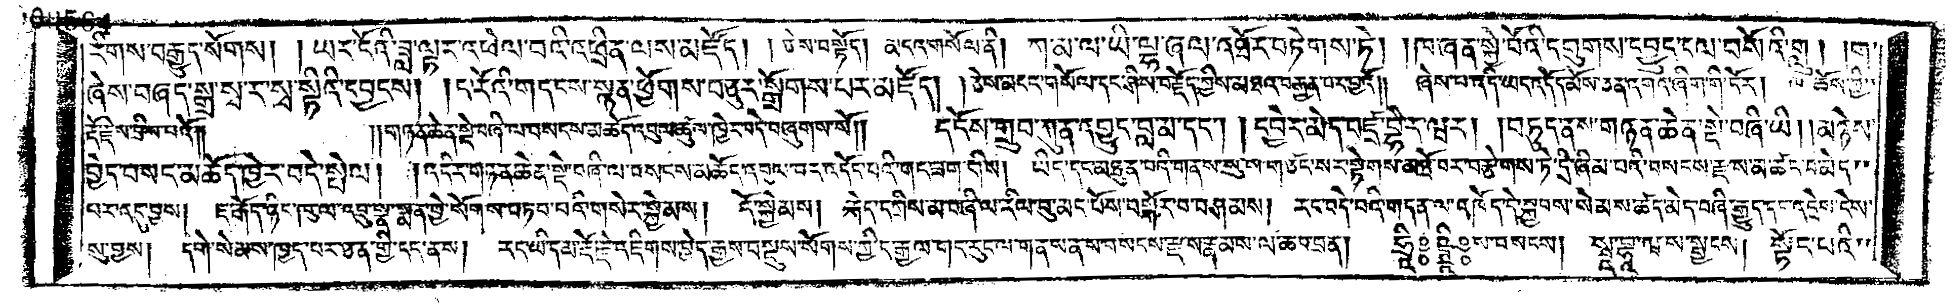རིགས་བརྒྱུད་སོགས། །ཡར་ངོའི་ཟླ་ལྟར་འཕེལ་བའི་འཕྲིན་ལས་མཛོད། ། ཅེས་བསྟོད། མངའ་གསོལ་ནི།  ཀ་མ་ལ་ཡི་ལྷ་ཞལ་འཐོར་བཏེགས་ཏེ། །ཁ་ཞན་སྐྱེ་བོའི་དབུགས་དབྱུང་ངལ་བསོའི་གླུ། །ག་
ཞེས་བཞད་སྒྲ་སྭ་ར་སྭ་སྟིའི་དབྱངས། །ང་རོའི་གདངས་སྙན་ཕྱོགས་བཅུར་སྒྲོགས་པར་མཛོད། །ཅེས་མངའ་གསོལ་དང་ཤིས་བརྗོད་ཀྱིས་མཐའ་བརྒྱན་པར་བྱའོ། །ཞེས་པ་འདི་ཡང་འདོད་མོས་ཅན་འགའ་ཞིག་གི་ངོར། ༧་ཆོས་ཀྱི་
རྡོ་རྗེས་བྲིས་པའོ།། །།གཉན་ཆེན་སྡེ་བཞི་ལ་བསངས་མཆོད་འབུལ་ཚུལ་ཁྱེར་བདེ་བཞུགས་སོ། །དངོས་གྲུབ་ཀུན་འབྱུང་བླ་མ་དང་། །དབྱེར་མེད་བཛྲ་བྷཻ་ར་ཝར། །བཏུད་ནས་གཉན་ཆེན་སྡེ་བཞི་ཡི། །མཉེས་
བྱེད་བསང་མཆོད་ཁྱེར་བདེ་སྤེལ། །འདིར་གཉན་ཆེན་སྡེ་བཞི་ལ་བསངས་མཆོད་འབུལ་བར་འདོད་པའི་གང་ཟག་གིས། ཡིད་དང་མཐུན་པའི་གནས་སུ་ས་གཙང་སར་སྟེགས་མཐོ་བར་བརྩེགས་ཏེ་དྲི་ཞིམ་པའི་བསངས་རྫས་མ་ཚང་བ་མེད་
པར་འདུ་བྱས། ཇ་རྒོད་ཉིང་ཁུ་ལ་འབྲུ་སྣ་སྨན་ཕྱེ་སོགས་བཏབ་པའི་གསེར་སྐྱེམས། འོ་སྐྱེམས། རྐེད་དཀྲིས་མ་བཞི་ལ་རིལ་བུ་མང་པོས་བསྐོར་བ་བཤམས། རང་བདེ་བའི་གདན་ལ་འཁོད་དེ་སྐྱབས་སེམས་ཚད་མེད་བཞི་རྒྱུད་དང་འདྲེས་ངེས་
སུ་བྱས། དགེ་སེམས་ཁྱད་པར་ཅན་གྱི་ངང་ནས། རང་ཡི་དམ་རྡོ་རྗེ་འཇིགས་བྱེད་རྒྱས་བསྡུས་སོགས་ཀྱི་ང་རྒྱལ་གང་རུང་ལ་གནས་ནས་བསངས་རྫས་རྣམས་ལ་ཆབ་བྲན། ཧྲཱིཿ ཥྚྲཱིཿ ས་བསངས།  སྭཱ་བྷཱ་ཝ་ས་སྦྱངས།  སྟོང་པའི་